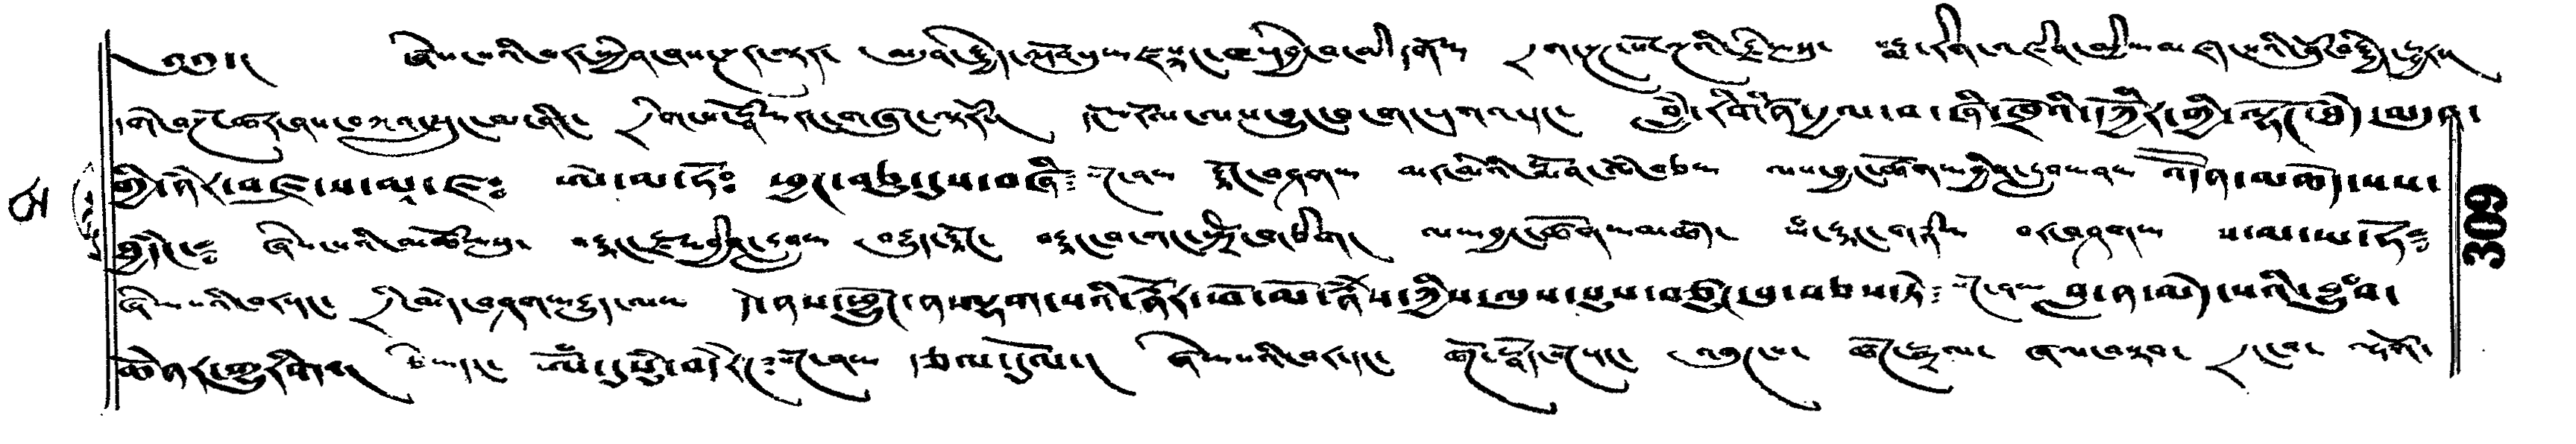ཞེས་པའི་བར་སྤྱན་འདྲེན་ནས་སྔར་ལྟར། མདུན་བསྐྱེད་འདོན་དུས་ཛཔྲ་སྐང་ཁ་དབྱེ་བ་མི་དགོས། དྲག་སྔགས་སོ་ལྔའི་རྗེས་སུ། པདྨ་རིག་འཛིན་གྱིས་མཛད་པའི་བུམ་བསྐྱེད་སྦྱར། 
དགེ་བསྔོ་ཚར་ནས་བཀའ་སྲུང་མ་ནིང་། དྲེགས་པ་རྣམས་རང་གཞུང་ལྟར་རོ། དངོས་རོལ་ལས་བྱུང་བ་གང་དགའ་དང་། བླ་མ་རིག་འཛིན་རྒྱལ་བ་ཞི་ཁྲོའི་དཀྱིལ་འཁོར་གྱི་ལྷ་ཚོགས་ཐམས་ཅད་མདུན་
གྱི་ནམ་མཁར་བཛྲ་ས་མཱ་ཛཿ ཨེ་མ་ཧོཿ ཕྱོགས་བཅུ་དུས་བཞི༴ སོགས་ནས། སྐོང་བཤགས། མར་མེའི་སྨོན་ལམ་བཅས། ལས་བྱང་ཚོགས་བྱིན་རླབས་ནས། འདོད་དོན་མཆོད་པས་
ཐུགས་དམ་བསྐང༔ ཞེས་པའི་མཚམས་སུ། བསྐང་རྫས་བྱིན་རླབས། བརྒྱུད་སྐོང་། བསྐང་བ་གང་སྤྲོ་གཅིགལས་བྱང་ཚོགས་མཆོད། ཡཾ་སྐང་གཉིས། བར་བཤགས། སམ་ཡ་ཧོཿ 
ཞེས་པའི་བར་དང་། དྲི་མེད་བཤགས་རྒྱུད་ལས། དེ་ནས་ཕྱོགས་བཅུ་ནས་ལྷགས་པའི་རྣལ་འབྱོར་ཕོ་མོ་རྣམས་ཀྱིས་ལུས་པུས་བཙུགས་སུ་བཅས་ཏེ༴ སོགས་ནས། བླ་ན་མེད་པའི་བྱང་ཆུབ་
ཆེན་པོར་གྱུར་ཅིག ཅེས་དང་། ཨོཾ༔དུས་གསུམ་བདེ་གཤེགས༴ སོགས་ནས། བསྩལ་དུ་གསོལ༔ ཞེས་པའི་བར་དང་། ཚོགས་སྣོད༴ སོགས་དང་། འགུགས་པ། ཚོགས་བསྒྲལ། ཞལ་བསྟབ། དྲང་བ། ལྷག་མ་